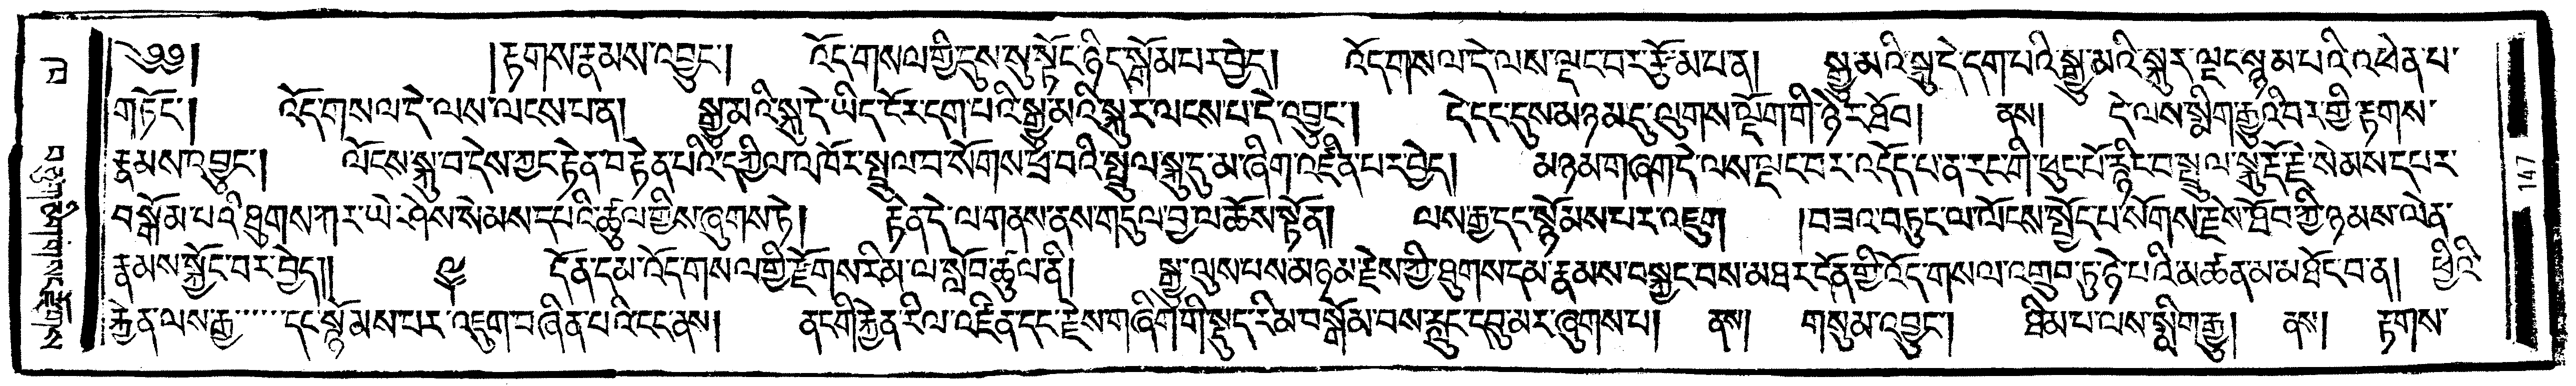༄༅། །རྟགས་རྣམས་འབྱུང་། འོད་གསལ་གྱི་དུས་སུ་སྟོང་ཉིད་སྒོམ་པར་བྱེད། འོད་གསལ་དེ་ལས་ལྡང་བར་རྩོམ་པ་ན། སྒྱུ་མའི་སྐུ་དེ་དག་པའི་སྒྱུ་མའི་སྐུར་ལྡང་སྙམ་པའི་འཕེན་པ་
གཏོང་། འོད་གསལ་དེ་ལས་ལངས་པ་ན། སྒྱུ་མའི་སྐུ་དེ་ཡིད་ངོར་དག་པའི་སྒྱུ་མའི་སྐུར་ལངས་པ་དེ་འབྱུང་། དེ་དང་དུས་མཉམ་དུ་ལུགས་ལྡོག་གི་ཉེར་ཐོབ། ནས། དེ་ལས་སྨིག་རྒྱུའི་བར་གྱི་རྟགས་
རྣམས་འབྱུང་། ལོངས་སྐུ་བ་དེས་ཀྱང་རྟེན་བརྟེན་པའི་དཀྱིལ་འཁོར་སྤྲུལ་བ་སོགས་ཕྲ་བའི་སྤྲུལ་སྐུ་དུ་མ་ཞིག་འཛིན་པར་བྱེད། མཉམ་གཞག་དེ་ལས་ལྡང་བར་འདོད་པ་ན་རང་གི་ཕུང་པོ་རྙིང་བ་སྤྲུལ་སྐུ་རྡོ་རྗེ་སེམས་དཔར་
བསྒོམ་པའི་ཐུགས་ཀར་ཡེ་ཤེས་སེམས་དཔའི་ཚུལ་གྱིས་ཞུགས་ཏེ། རྟེན་དེ་ལ་གནས་ནས་གདུལ་བྱ་ལ་ཆོས་སྟོན། ལས་རྒྱ་དང་སྙོམས་པར་འཇུག །བཟའ་བཏུང་ལ་ལོངས་སྤྱོད་པ་སོགས་རྗེས་ཐོབ་ཀྱི་ཉམས་ལེན་
རྣམས་སྐྱོང་བར་བྱེད།། ༈ དོན་དམ་འོད་གསལ་གྱི་རྫོགས་རིམ་ལ་སློབ་ཚུལ་ནི། སྒྱུ་ལུས་པས་མཉམ་རྗེས་ཀྱི་ཐུགས་དམ་རྣམས་བསྐྱང་བས་མཐར་དོན་གྱི་འོད་གསལ་འགྲུབ་ཏུ་ཉེ་པའི་མཚན་མ་མཐོང་བ་ན། ཕྱིའི་
རྐྱེན་ལས་རྒྱ་དང་སྙོམས་པར་འཇུག་བཞིན་པའི་ངང་ནས། ནང་གི་རྐྱེན་རིལ་འཛིན་དང་རྗེས་གཞིག་གི་སྡུད་རིམ་བསྒོམ་པས་རླུང་དབུ་མར་ཞུགས་པ། ནས། གསུམ་འབྱུང་། ཐིམ་པ་ལས་སྨིག་རྒྱུ། ནས། རྟགས་